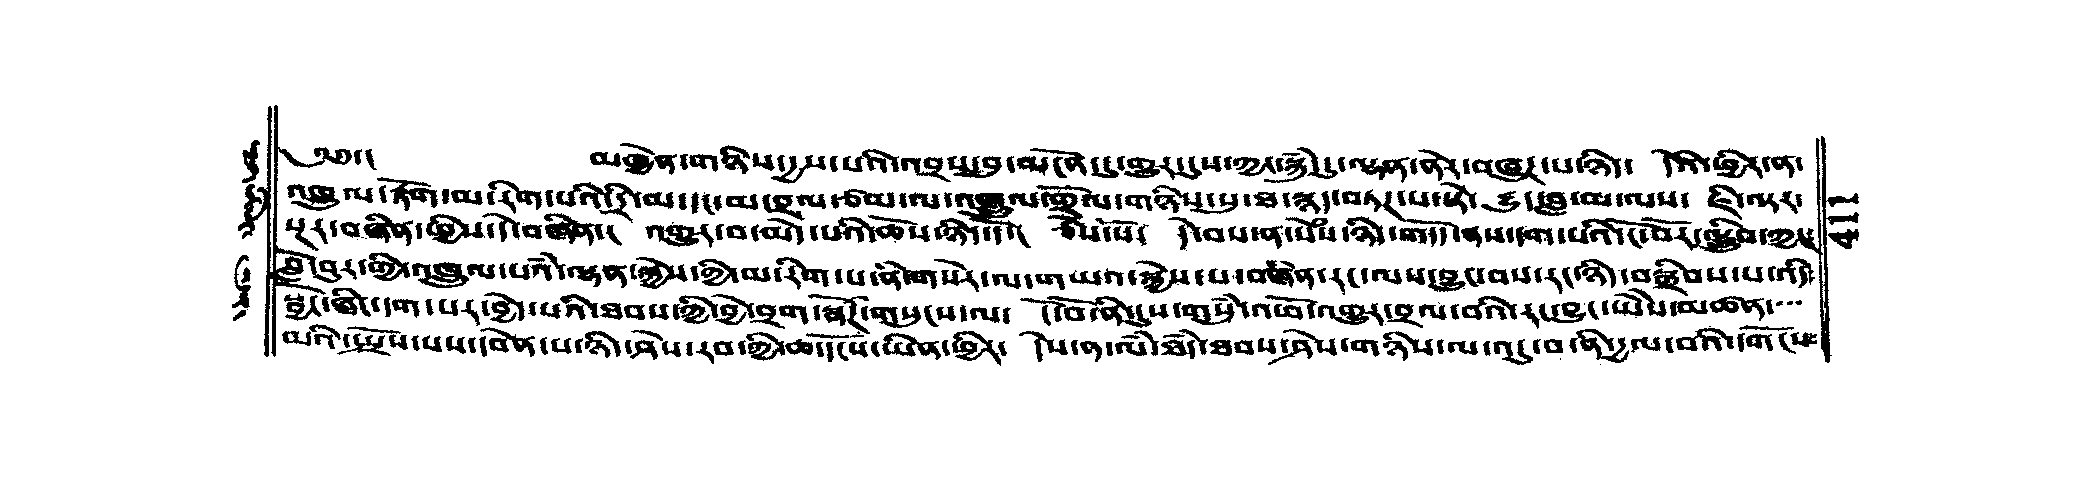མཁྱེན་གཉིས་རྒྱས་པའི་འབྲས་བུ་མངོན་དུ་གྱུར་དུས་ཀྱང་སྐུ་གསུམ་དུ་ལྷན་ནེར་བཞུགས་པ་ཉིད། དེའི་ཕྱིར་ན་
འཁྲུལ་རྟོག་མ་རིག་པའི་དྲི་མ་དང་མ་བྲལ་ཙམ་ལ་འཁྲུལ་གྲོལ་གཉིས་སུ་ཐ་སྙད་བཏགས་པ་སྟེ། རྒྱུད་བླ་མ་ལས། ཇི་ལྟར་
སྔར་བཞིན་ཕྱིས་དེ་བཞིན། །འགྱུར་བ་མེད་པའི་ཆོས་ཉིད་དོ། ཞེས་སོ། དེ་བས་ན་སེམས་ཉིད་གདོད་ནས་དག་པའི་ངོ་བོར་ལྷུན་གྱིས་གྲུབ་ཀྱང་
བློ་བུར་གྱི་འཁྲུལ་པའམ་ལྷན་སྐྱེས་ཀྱི་མ་རིག་པ་ནི་གསེར་ལ་གཡའ་སྐྱེས་པ་བཞིན་རང་ལས་བྱུང་བས་རང་ཉིད་བསྒྲིབས་པ་འདི་
སྦྱོང་ཞིང་དག་པར་བྱེད་པའི་ཐབས་ཀྱི་བྱེ་བྲག་སྣ་ཚོགས་གསུངས་ལ། ངོ་བོ་དུས་གསུམ་འཕོ་འགྱུར་བྲལ་བའི་རང་བྱུང་ཡེ་ཤེས་མཚན་
མའི་སྤྲོས་པས་དབེན་པ་ཉིད་ཤེས་རབ་ཀྱི་ཆ་དངོས་ཡིན་ཕྱིར།དེས་ན་ལམ་ཐམས་ཅད་ཐབས་ཤེས་གཉིས་སུ་འདུ་བ་ནི་རྒྱལ་བའི་དགོངས་